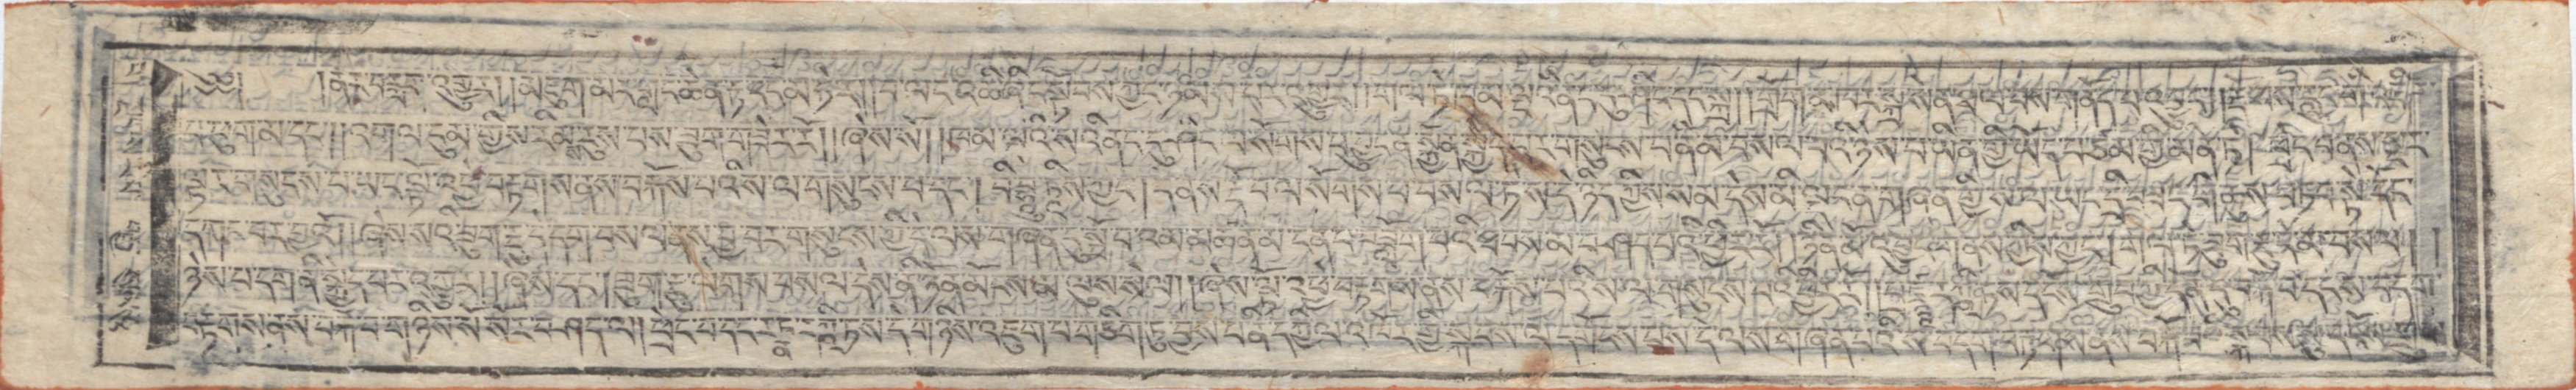༄༅། །ནོར་བརླག་འགྱུར། །མཇུག་མར་གླང་ཆེན་རྟ་དང་མ་ཧེ་ར། །བ་ལང་འཆི་ཞིང་སྟོབས་ཀྱང་ཉམས་པར་འགྱུར། །གལ་ཏེ་ཁམ་ལྔའི་ནང་དུ་ཤིང་དང་སྐྲ། །གྲོག་མཁར་སྐྲ་སེན་ཐལ་བས་གནོད་པ་འབྱུང་། །རྡོ་བས་རླུང་གི་འཇིགས་
པ་ཕུག་མ་དང་། །འགལ་དུམ་གྱིས་རིམས་རུས་པས་ཟུག་གཟེར་རོ། །ཞེས་སོ། །ཁམ་ལྔའི་སའི་ནང་དུ་ཤིང་ལ་སོགས་པ་བྱུང་ན་སྐྱོན་སྐྱེད་པར་གསུངས་པ་ནི་མ་བསལ་བའི་ཉེས་པ་ཡིན་གྱི་ཡོད་པ་ཙམ་གྱི་མིན་ཏེ། ཕྲེང་བ་ནས་སྔར་
ལྟར་གསུངས་པ་ཡང་ལྟོ་འཕྱེ་བརྟགས་ནས་བརྐོས་པའི་ས་ལ་གསུངས་པ་དང་། བི་བྷཱུ་ཏཱིས་ཀྱང་། དེ་ནས་རྡོ་བ་ལ་སོགས་པ་བསལ་ཏེ་ས་དེ་ཉིད་ཀྱིས་སམ་དེས་མི་ལྡང་ན་གཞན་གྱི་ས་ལ་ཡང་དྲི་བཟང་གི་ཆུས་བཏབ་སྟེ་དོང་
དགང་བར་བྱའོ། །ཞེས་སའི་ཟུག་རྡུ་དེ་དག་བསལ་ནས་བྱ་བར་གསུངས་ཀྱི་དེ་ལས་གཞན་དུ་སྤོ་བ་འམ་མཚན་མ་ངན་པ་བཟློག་པའི་ཐབས་མ་བཤད་པའི་ཕྱིར་རོ། །ཉིན་མོ་འབྱུང་གནས་ཀྱིས་ཀྱང་།གལ་ཏེ་ཟུག་རྔུ་དེ་མ་བསལ། །
ཉེས་པ་དག་ནི་སྐྱེད་པར་འགྱུར། །ཞེས་དང་། ཟུག་རྔུ་ལེགས་བསལ་དེས་ནི་ཉོན་མོངས་མ་ལུས་སེལ། །ཞེས་ལྟོ་འཕྱེ་བརྟགས་ནས་བརྐོས་པའི་ས་ལ་གསུངས་པའི་ཕྱིར་རོ། །པྲཛྙཱ་རཀྵི་ཏས་དངོས་གྲུབ་ཀྱི་དོན་དུ་བརྐོ་བ་དངས་བདག་
བརྟགས་ནས་བརྐོ་བ་གཉིས་སོ་སོར་བཤད་ལ། ཕྲེང་བ་དང་རཏྣ་རཀྵི་ཏས་དེ་གཉིས་འཇུག་པ་གཅིག་ཏུ་བྱས་པ་ནི་དཀྱིལ་འཁོར་གྱི་སྐབས་ལ་དགོངས་པས་དེ་ལས་གཞན་པའི་ས་བདག་བརྟགས་ནས་བརྐོ་བའི་སྐབས་སུ་དངོས་གྲུབ་